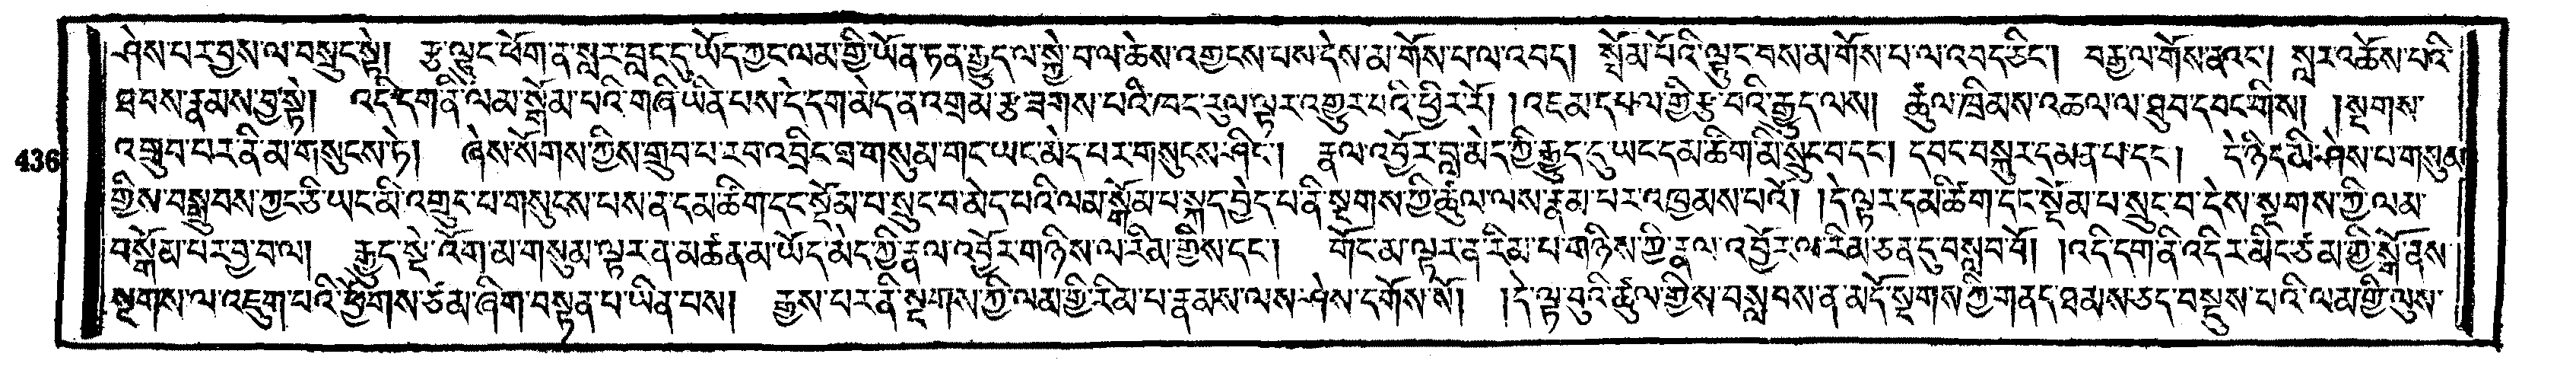ཤེས་པར་བྱས་ལ་བསྲུང་སྟེ། རྩ་ལྷུང་ཕོག་ན་སླར་བླང་དུ་ཡོད་ཀྱང་ལམ་གྱི་ཡོན་ཏན་རྒྱུད་ལ་སྐྱེ་བ་ལ་ཆེས་འགྱངས་པས་དེས་མ་གོས་པ་ལ་འབད། སྤོམ་པོའི་ལྟུང་བས་མ་གོས་པ་ལ་འབད་ཅིང་། བརྒྱ་ལ་གོས་ནའང་། སླར་འཆོས་པའི་
ཐབས་རྣམས་བྱ་སྟེ། འདི་དག་ནི་ལམ་སྒོམ་པའི་གཞི་ཡིན་པས་དེ་དག་མེད་ན་འགྲམ་རྩ་ཟགས་པའི་ཁང་རུལ་ལྟར་འགྱུར་པའི་ཕྱིར་རོ། །འཇམ་དཔལ་གྱི་རྩ་བའི་རྒྱུད་ལས། ཚུལ་ཁྲིམས་འཆལ་ལ་ཐུབ་དབང་གིས། །སྔགས་
འགྲུབ་པར་ནི་མ་གསུངས་ཏེ། ཞེས་སོགས་ཀྱིས་གྲུབ་པ་རབ་འབྲིང་ཐ་གསུམ་གང་ཡང་མེད་པར་གསུངས་ཤིང་། རྣལ་འབྱོར་བླ་མེད་ཀྱི་རྒྱུད་དུ་ཡང་དམ་ཚིག་མི་སྲུང་བ་དང་། དབང་བསྐུར་དམན་པ་དང་། དེ་ཉིད་མི་ཤེས་པ་གསུམ་
གྱིས་བསྒྲུབས་ཀྱང་ཅི་ཡང་མི་འགྲུང་པ་གསུངས་པས་ན་དམ་ཚིག་དང་སྡོམ་པ་སྲུང་བ་མེད་པའི་ལམ་སྒོམ་པ་སྐད་བྱེད་པ་ནི་སྔགས་ཀྱི་ཚུལ་ལས་རྣམ་པར་འཁྱམས་པའོ། །དེ་ལྟར་དམ་ཚིག་དང་སྡོམ་པ་སྲུང་བ་དེས་སྔགས་ཀྱི་ལམ་
བསྒོམ་པར་བྱ་བ་ལ། རྒྱུད་སྡེ་འོག་མ་གསུམ་ལྟར་ན་མཚན་མ་ཡོད་མེད་ཀྱི་རྣལ་འབྱོར་གཉིས་ལ་རིམ་གྱིས་དང་། གོང་མ་ལྟར་ན་རིམ་པ་གཉིས་ཀྱི་རྣལ་འབྱོར་ལ་རིམ་ཅན་དུ་བསླབ་བོ། །འདི་དག་ནི་འདིར་མིང་ཙམ་གྱི་སྒོ་ནས་
སྔགས་ལ་འཇུག་པའི་ཕྱོགས་ཙམ་ཞིག་བསྟན་པ་ཡིན་པས། རྒྱས་པར་ནི་སྔགས་ཀྱི་ལམ་གྱི་རིམ་པ་རྣམས་ལས་ཤེས་དགོས་སོ། །དེ་ལྟ་བུའི་ཚུལ་གྱིས་བསླབས་ན་མདོ་སྔགས་ཀྱི་གནད་ཐམས་ཅད་བསྡུས་པའི་ལམ་གྱི་ལུས་